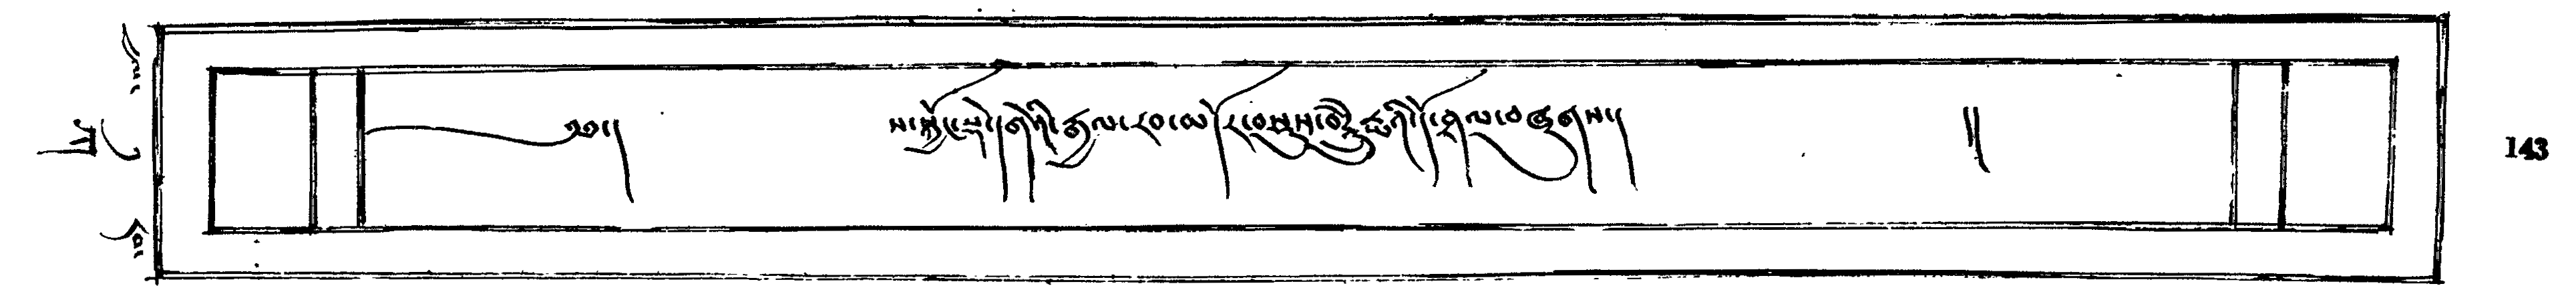ས་སྐྱོང་སྡེ་དགེའི་རྒྱལ་རབས་མདོར་བསྡུས་བཻཌཱུརྻའི་དོ་ཤལ་བཞུགས།